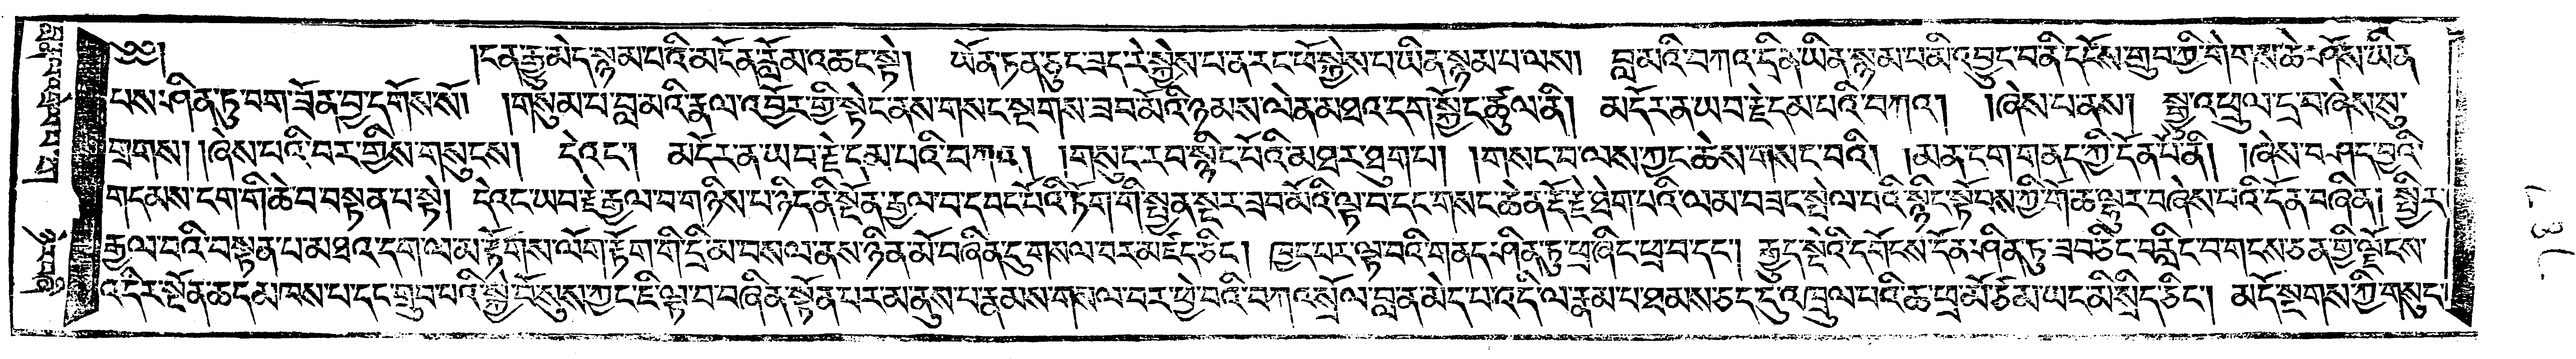༄༅། །ངན་རྒྱུ་མེད་སྙམ་པའི་མངོན་རློམ་འཆང་སྟེ། ཡོན་ཏན་ཅུང་ཟད་རེ་སྐྱེས་པ་ན་རང་ཕོ་སྐྱེས་པ་ཡིན་སྙམ་པ་ལས། བླ་མའི་བཀའ་དྲིན་ཡིན་སྙམ་པ་མི་འབྱུང་བ་ནི་དངོས་གྲུབ་ཀྱི་གེགས་ཆེ་ཤོས་ཡིན་
པས་ཤིན་ཏུ་བག་ཟོན་བྱ་དགོས་སོ། །གསུམ་པ་བླ་མའི་རྣལ་འབྱོར་གྱི་སྟེང་ནས་གསང་སྔགས་ཟབ་མོའི་ཉམས་ལེན་མཐའ་དག་སྐྱོང་ཚུལ་ནི། མདོར་ན་ཡབ་རྗེ་དམ་པའི་བཀའ། །ཞེས་པ་ནས། སྒྱུ་འཕྲུལ་དྲ་བ་ཞེས་སུ་
གྲགས། །ཞེས་པའི་བར་གྱིས་གསུངས། དེའང་། མདོར་ན་ཡབ་རྗེ་དམ་པའི་བཀའ། །གསུང་རབ་སྙིང་པོའི་མཐར་ཐུག་པ། །གསང་བ་ལས་ཀྱང་ཆེས་གསང་བའི། །མན་ངག་གནད་ཀྱི་དོན་པོ་ནི། །ཞེས་བཤད་བྱའི་
གདམས་ངག་གི་ཆེ་བ་བསྟན་པ་སྟེ། དེའང་ཡབ་རྗེ་རྒྱལ་བ་གཉིས་པ་ཉིད་ནི་སྔོན་རྒྱལ་བ་དབང་པོའི་ཏོག་གི་སྤྱན་སྔར་ཟབ་མོའི་ལྟ་བ་དང་གསང་ཆེན་རྡོ་རྗེ་ཐེག་པའི་ལམ་བཟང་སྤེལ་བའི་སྙིང་སྟོབས་ཀྱི་གོ་ཆ་ལྷུར་བཞེས་པའི་དོན་བཞིན། །སྤྱིར་
རྒྱལ་བའི་བསྟན་པ་མཐའ་དག་ལ་མ་རྟོགས་ལོག་གི་དྲི་མ་བསལ་ནས་ཉིན་མོ་བཞིན་དུ་གསལ་བར་མཛད་ཅིང་། ཁྱད་པར་ལྟ་བའི་གནད་ཤིན་ཏུ་ཕྲ་ཞིང་ཕྲ་བ་དང་། རྒྱུད་སྡེའི་དགོངས་དོན་ཤིན་ཏུ་ཟབ་ཅིང་བརླིང་བ་གངས་ཅན་གྱི་ལྗོངས་
འདིར་སྔོན་ཆད་མཁས་པ་དང་གྲུབ་པའི་སྐྱེ་བོ་སུས་ཀྱང་ཇི་ལྟ་བ་བཞིན་སྟོན་པར་མ་ནུས་པ་རྣམས་གསལ་བར་ཕྱེ་བའི་བཀའ་སྲོལ་བླ་ན་མེད་པ་འདི་ལ་རྣམ་པ་ཐམས་ཅད་དུ་འཁྲུལ་པའི་ཆ་ཕྲ་མོ་ཙམ་ཡང་མི་སྲིད་ཅིང་། མདོ་སྔགས་ཀྱི་གསུང་